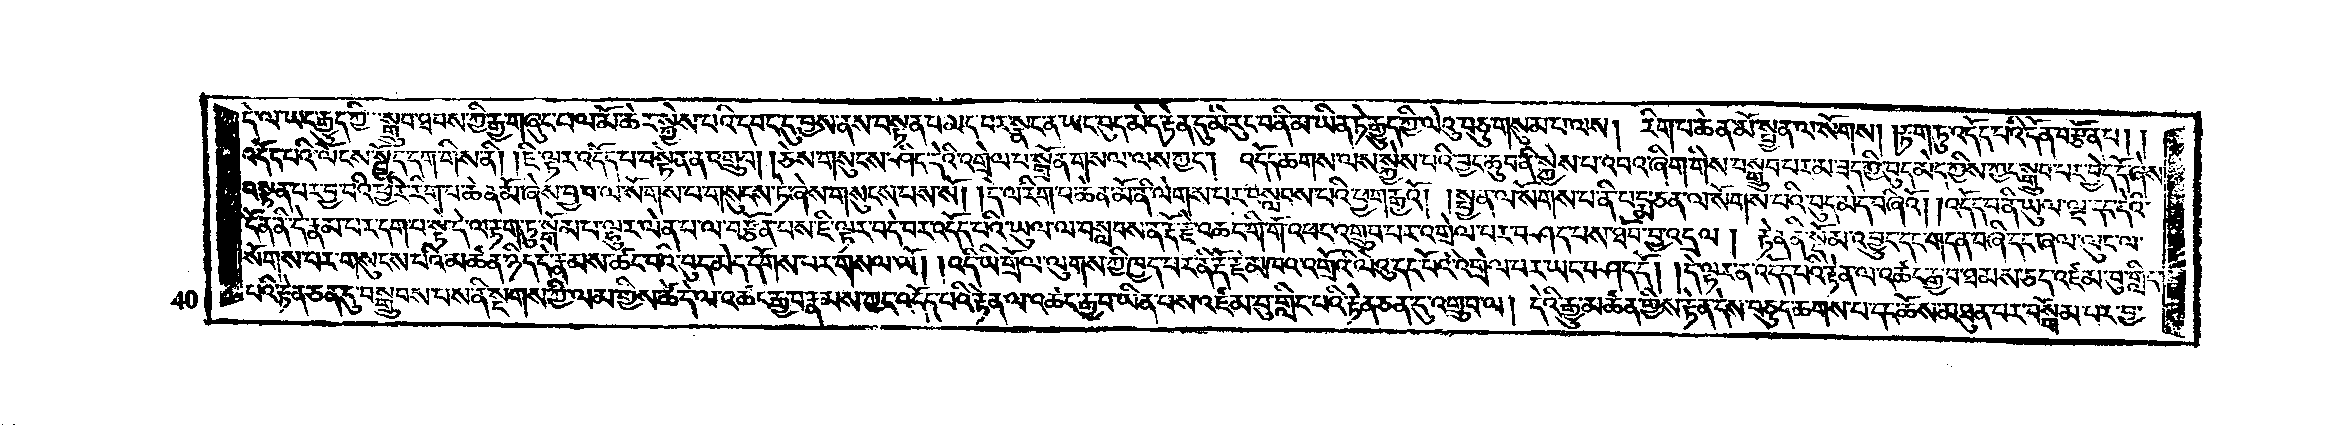དེ་ལ་ཡང་རྒྱུད་ཀྱི་སྒྲུབ་ཐབས་ཀྱི་རྒྱ་གཞུང་ཕལ་མོ་ཆེར་སྐྱེས་པའི་དབང་དུ་བྱས་ནས་བསྟན་པ་མང་བར་སྣང་ན་ཡང་བུད་མེད་རྟེན་དུ་མི་རུང་བ་ནི་མ་ཡིན་ཏེ་རྒྱུད་ཀྱི་ལེའུ་བཅུ་གསུམ་པ་ལས། རིག་པ་ཆེན་མོ་སྤྱན་ལ་སོགས། །རྟག་ཏུ་འདོད་པའི་དོན་བརྩོན་པ། །
འདོད་པའི་ལོངས་སྤྱོད་དག་གིས་ནི། །ཇི་ལྟར་འདོད་པ་བསྟེན་ན་འགྲུབ། །ཅེས་གསུངས་ཤིང་དེའི་འགྲེལ་པ་སྒྲོན་གསལ་ལས་ཀྱང་། འདོད་ཆགས་ལས་སྐྱེས་པའི་བྱང་ཆུབ་ནི་སྐྱེས་པ་འབའ་ཞིག་གིས་བསྒྲུབ་པར་མ་ཟད་ཀྱི་བུད་མེད་ཀྱིས་ཀྱང་སྒྲུབ་པར་བྱེད་དོ་ཞེས་
བསྟན་པར་བྱ་བའི་ཕྱིར་རིག་པ་ཆེན་མོ་ཞེས་བྱ་བ་ལ་སོགས་པ་གསུངས་ཏེ་ཞེས་གསུངས་པས་སོ། །དེ་ལ་རིག་པ་ཆེན་མོ་ནི་ལེགས་པར་བསླབས་པའི་ཕྱག་རྒྱའོ། །སྤྱན་ལ་སོགས་པ་ནི་པདམ་ཅན་ལ་སོགས་པའི་བུད་མེད་བཞིའོ། །འདོད་པ་ནི་ཡུལ་ལྔ་དང་དེའི་
དོན་ནི་དེ་རྣམ་པར་དག་པ་སྟེ་དེ་ལ་རྟག་ཏུ་སྒོམ་པ་ལྷུར་ལེན་པ་ལ་བརྩོན་པས་ཇི་ལྟར་བདེ་བར་འདོད་པའི་ཡུལ་ལ་བསླབས་ན་རྡོ་རྗེ་འཆང་གི་གོ་འཕང་འགྲུབ་པར་འགྲེལ་པར་བཤད་པས་ཐོབ་བྱ་འདྲ་ལ། རྟེན་ནི་སྡོམ་འབྱུང་དང་གདན་བཞི་དང་ཞལ་ལུང་ལ་
སོགས་པར་གསུངས་པའི་མཚན་ཉིད་དེ་རྣམས་ཚང་བའི་བུད་མེད་དགོས་པར་གསལ་ལོ། །འདི་ཡི་གྲོལ་ལུགས་ཀྱི་ཁྱད་པར་ནི་རྡོ་རྗེ་མཁའ་འགྲོའི་ལེའུ་དང་པོའི་འགྲེལ་པར་ཡང་བཤད་དོ། །དེ་ལྟར་ན་འདོད་པའི་རྟེན་ལ་འཚང་རྒྱ་བ་ཐམས་ཅད་འཛམ་བུ་གླིང་
པའི་རྟེན་ཅན་དུ་བསྒྲུབས་པས་ནི་སྔགས་ཀྱི་ལམ་གྱིས་ཚེ་དེ་ལ་འཚང་རྒྱ་བ་རྣམས་ཀྱང་འདོད་པའི་རྟེན་ལ་འཚང་རྒྱ་བ་ཡིན་པས་འཛམ་བུ་གླིང་པའི་རྟེན་ཅན་དུ་འགྲུབ་ལ། དེའི་རྒྱུ་མཚན་གྱིས་རྟེན་དེས་བཅུད་ཆགས་པ་དང་ཆོས་མཐུན་པར་བསྒོམ་པར་བྱ་